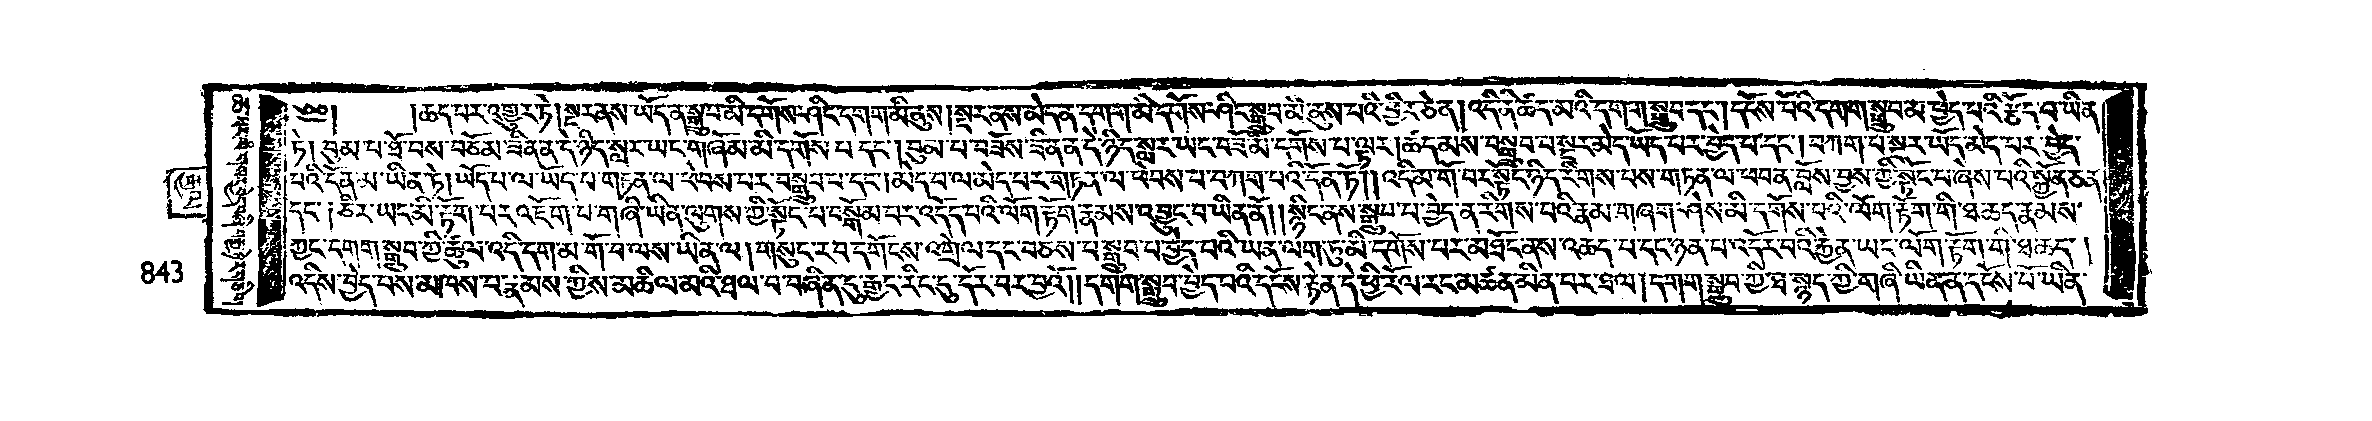༄༅། །ཆད་པར་འགྱུར་ཏེ། སྔར་ནས་ཡོད་ན་སྒྲུབ་མི་དགོས་ཤིང་དགག་མི་ནུས། སྔར་ནས་མེད་ན་དགག་མི་དགོས་ཤིང་སྒྲུབ་མི་ནུས་པའི་ཕྱིར་ཅེ་ན། འདི་ནི་ཚད་མའི་དགག་སྒྲུབ་དང་། དངོས་པོའི་དགག་སྒྲུབ་མ་ཕྱེད་པའི་རྩོད་པ་ཡིན་
ཏེ། བུམ་པ་ཐོ་བས་བཅོམ་ཟིན་ན་དེ་ཉིད་སླར་ཡང་གཞོམ་མི་དགོས་པ་དང་། བུམ་པ་བཟོས་ཟིན་ན་དེ་ཉིད་སླར་ཡང་བཟོ་མི་དགོས་པ་ལྟར། ཚད་མས་བསྒྲུབ་པ་སྔར་མེད་ཡོད་པར་བྱེད་པ་དང་། བཀག་པ་སྔར་ཡོད་མེད་པར་བྱེད་
པའི་དོན་མ་ཡིན་ཏེ། ཡོད་པ་ལ་ཡོད་པ་གཏན་ལ་ཕེབས་པར་བསྒྲུབ་པ་དང་། མེད་པ་ལ་མེད་པར་གཏན་ལ་ཕེབས་པ་བཀག་པའི་དོན་ཏོ། །འདི་མ་གོ་བར་སྟོང་ཉིད་རིགས་པས་གཏན་ལ་ཕབ་ན་བློས་བྱས་ཀྱི་སྟོང་པ་ཞེས་པའི་སྐྱོན་ཅན་
དང་། ཅིར་ཡང་མི་རྟོག་པར་འཇོག་པ་གཞི་ཡིན་ལུགས་ཀྱི་སྟོང་པ་བསྒོམ་པར་འདོད་པའི་ལོག་རྟོག་རྣམས་འབྱུང་བ་ཡིན་ནོ། །སྙིང་ནས་སྒྲུབ་པ་བྱེད་ན་རིགས་པའི་རྣམ་གཞག་ཤེས་མི་དགོས་པའི་ལོག་རྟོག་གི་ཐ་ཆད་རྣམས་
ཀྱང་དགག་སྒྲུབ་ཀྱི་ཚུལ་འདི་དག་མ་གོ་བ་ལས་ཡིན་ལ། གསུང་རབ་དགོངས་འགྲེལ་དང་བཅས་པ་སྒྲུབ་པ་བྱེད་པའི་ཡན་ལག་ཏུ་མི་དགོས་པར་མཐོང་ནས་འཆད་པ་དང་ཉན་པ་འདོར་བའི་རྐྱེན་ཡང་ལོག་རྟོག་གི་ཐ་ཆད།
འདིས་བྱེད་པས་མཁས་པ་རྣམས་ཀྱིས་མཆིལ་མའི་ཐལ་བ་བཞིན་དུ་རྒྱང་རིང་དུ་དོར་བར་བྱའོ། །དགག་སྒྲུབ་བྱེད་པའི་དངོས་རྟེན་དེ་ཕྱི་རོལ་རང་མཚན་མིན་པར་ཐལ། དགག་སྒྲུབ་ཀྱི་ཐ་སྙད་ཀྱི་གཞི་ཡིན་ན་དངོས་པོ་ཡིན་